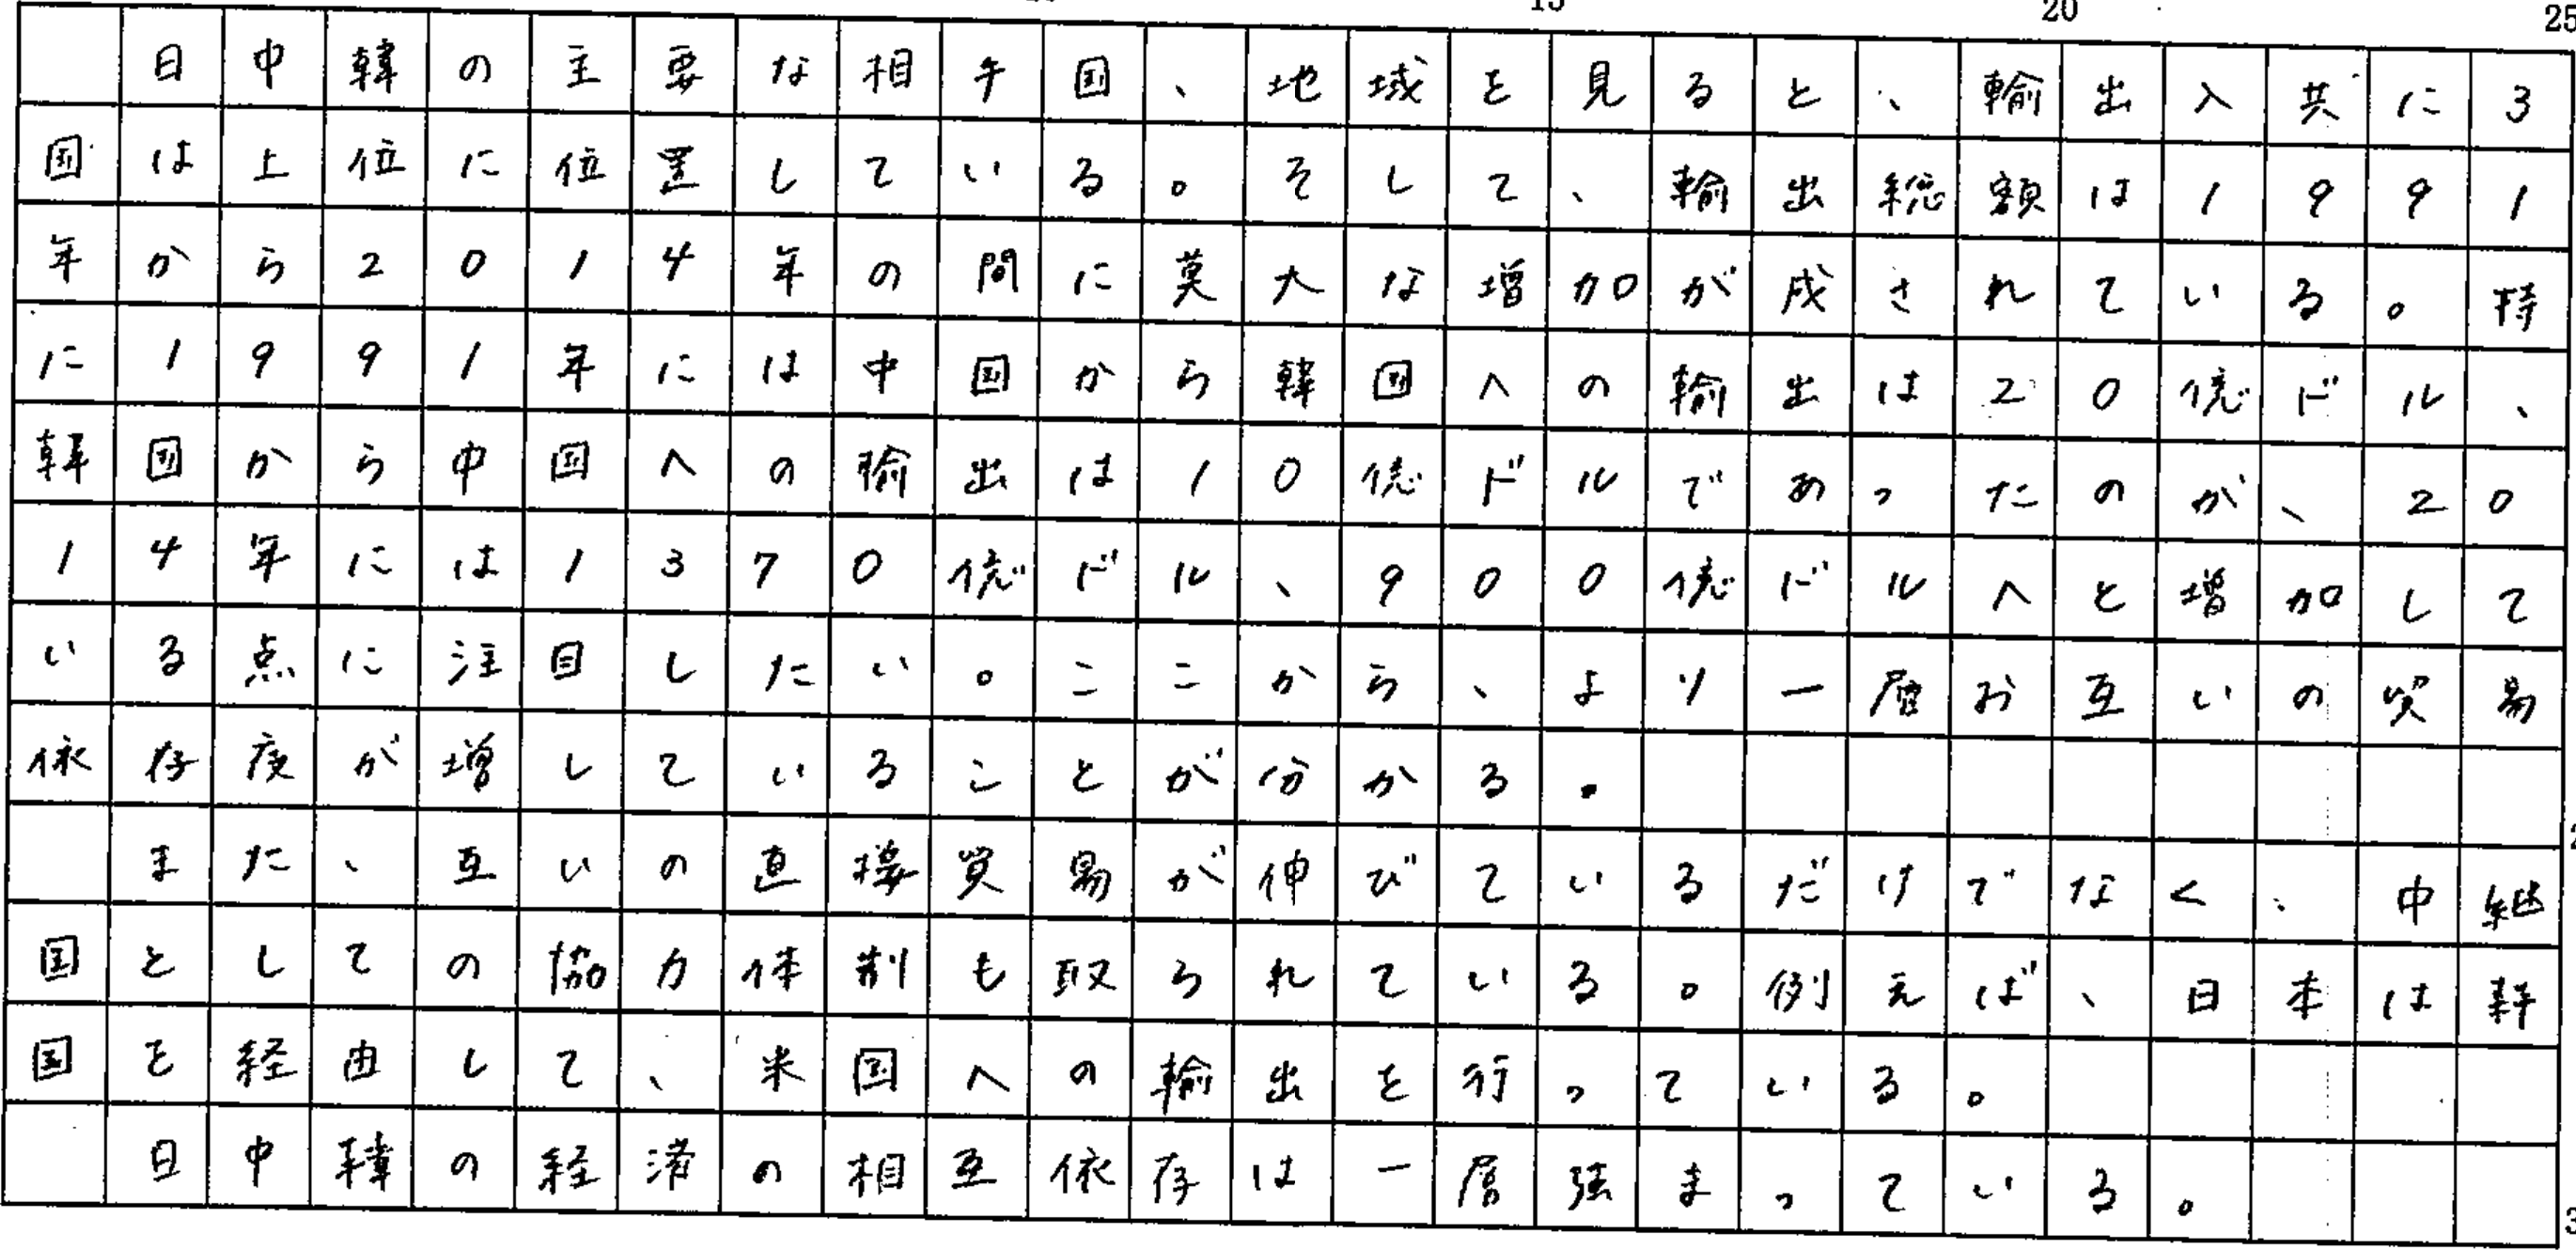　日中韓の主要な相手国、地域を見ると、輸出入共に３国は上位に位置している。そして、輸出総額は１９９１年から２０１４年の間に莫大な増加が成されている。特に１９９１年には中国から韓国への輸出は２０億ドル、韓国から中国への輸出は１０億ドルであったのが、２０１４年には１３７０億ドル、９００億ドルへと増加している点に注目したい。ここから、より一層お互いの貿易依存度が増していることが分かる。
　また、互いの直▁貿易が伸びているだけでなく、中継国としての協力体制も取られている。例えば、日本は韓国を経由して、米国への輸出を行っている。
　日中韓の経済の相互依存は一層強まっている。
